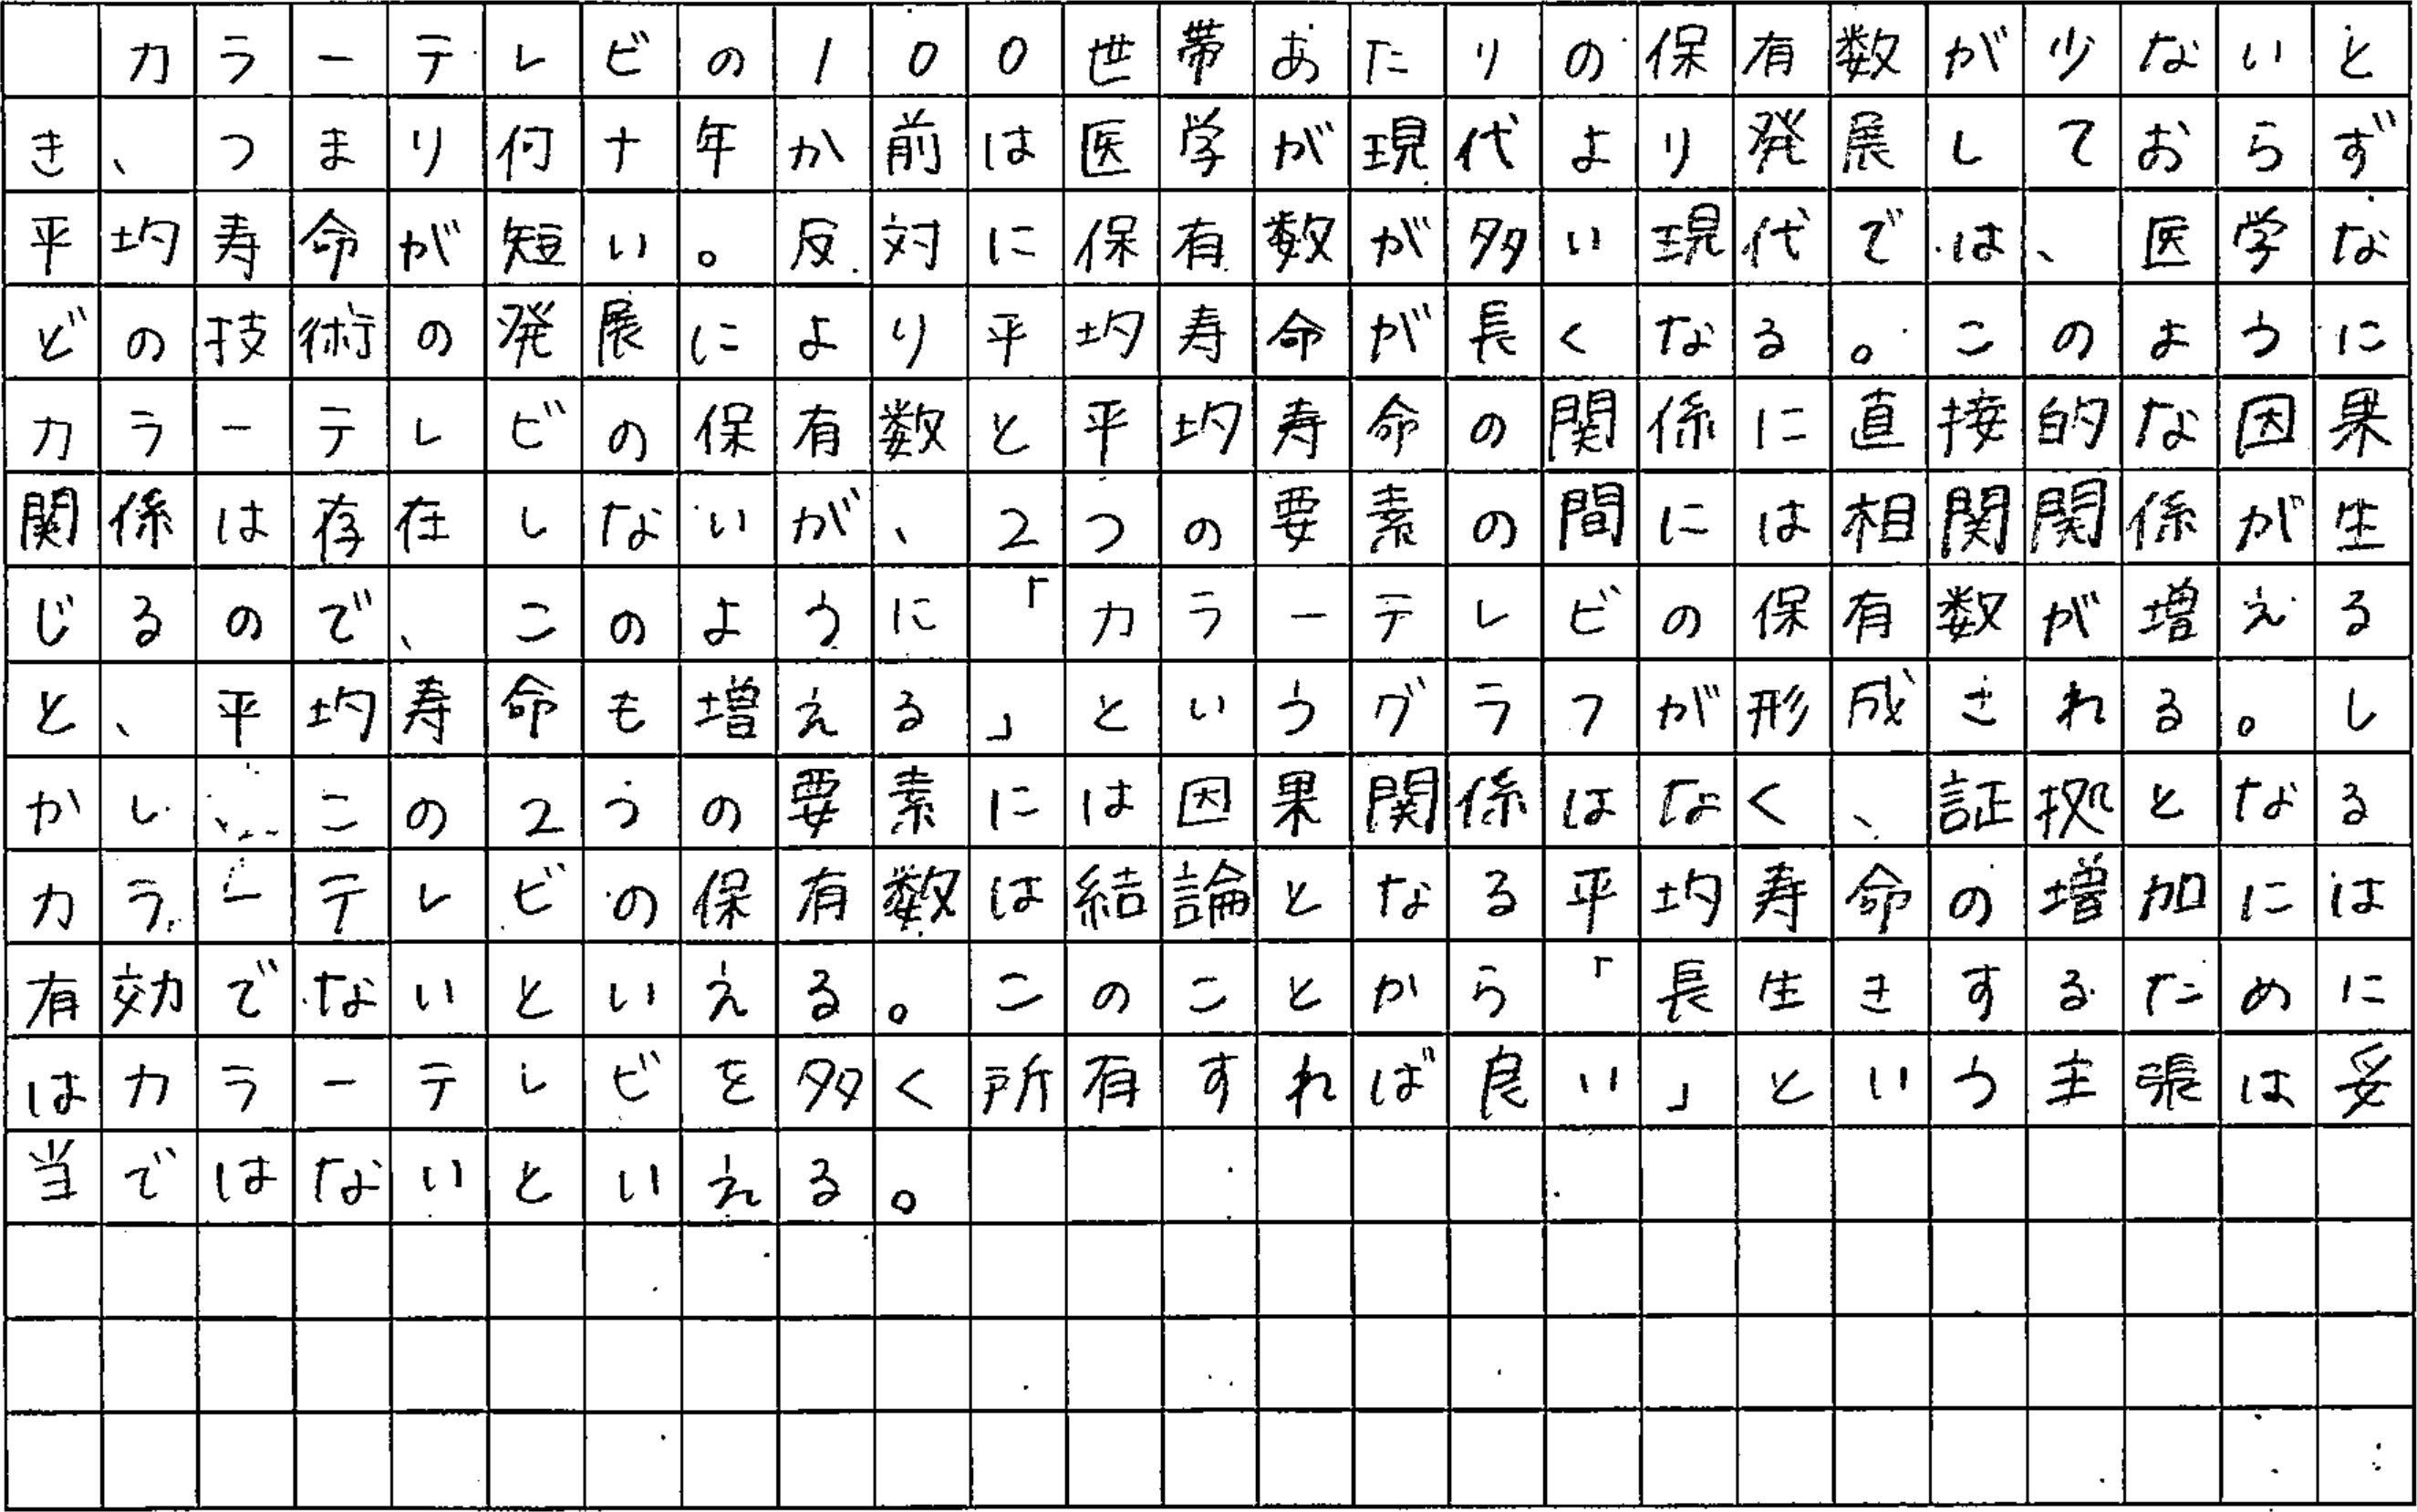　カラーテレビの１００世帯あたりの保有数が少ないとき、つまり何十年か前は医学が現代より発展しておらず平▁寿命が短い。反対に保有数が多い現代では、医学などの技術の発展により平▁寿命が長くなる。このようにカラーテレビの保有数と平▁寿命の関係に直接的な因果関係は存在しないが、２つの要素の間には相関関係が生じるので、このように「カラーテレビの保有数が増えると、平▁寿命も増える」というグラフが形成される。しかし、この２つの要素には因果関係はなく、証拠となるカラーテレビの保有数は結論となる平▁寿命の増加には有効でないといえる。このことから「長生きするためにはカラーテレビを多く所有すれば良い」という主張は妥当ではないといえる。
